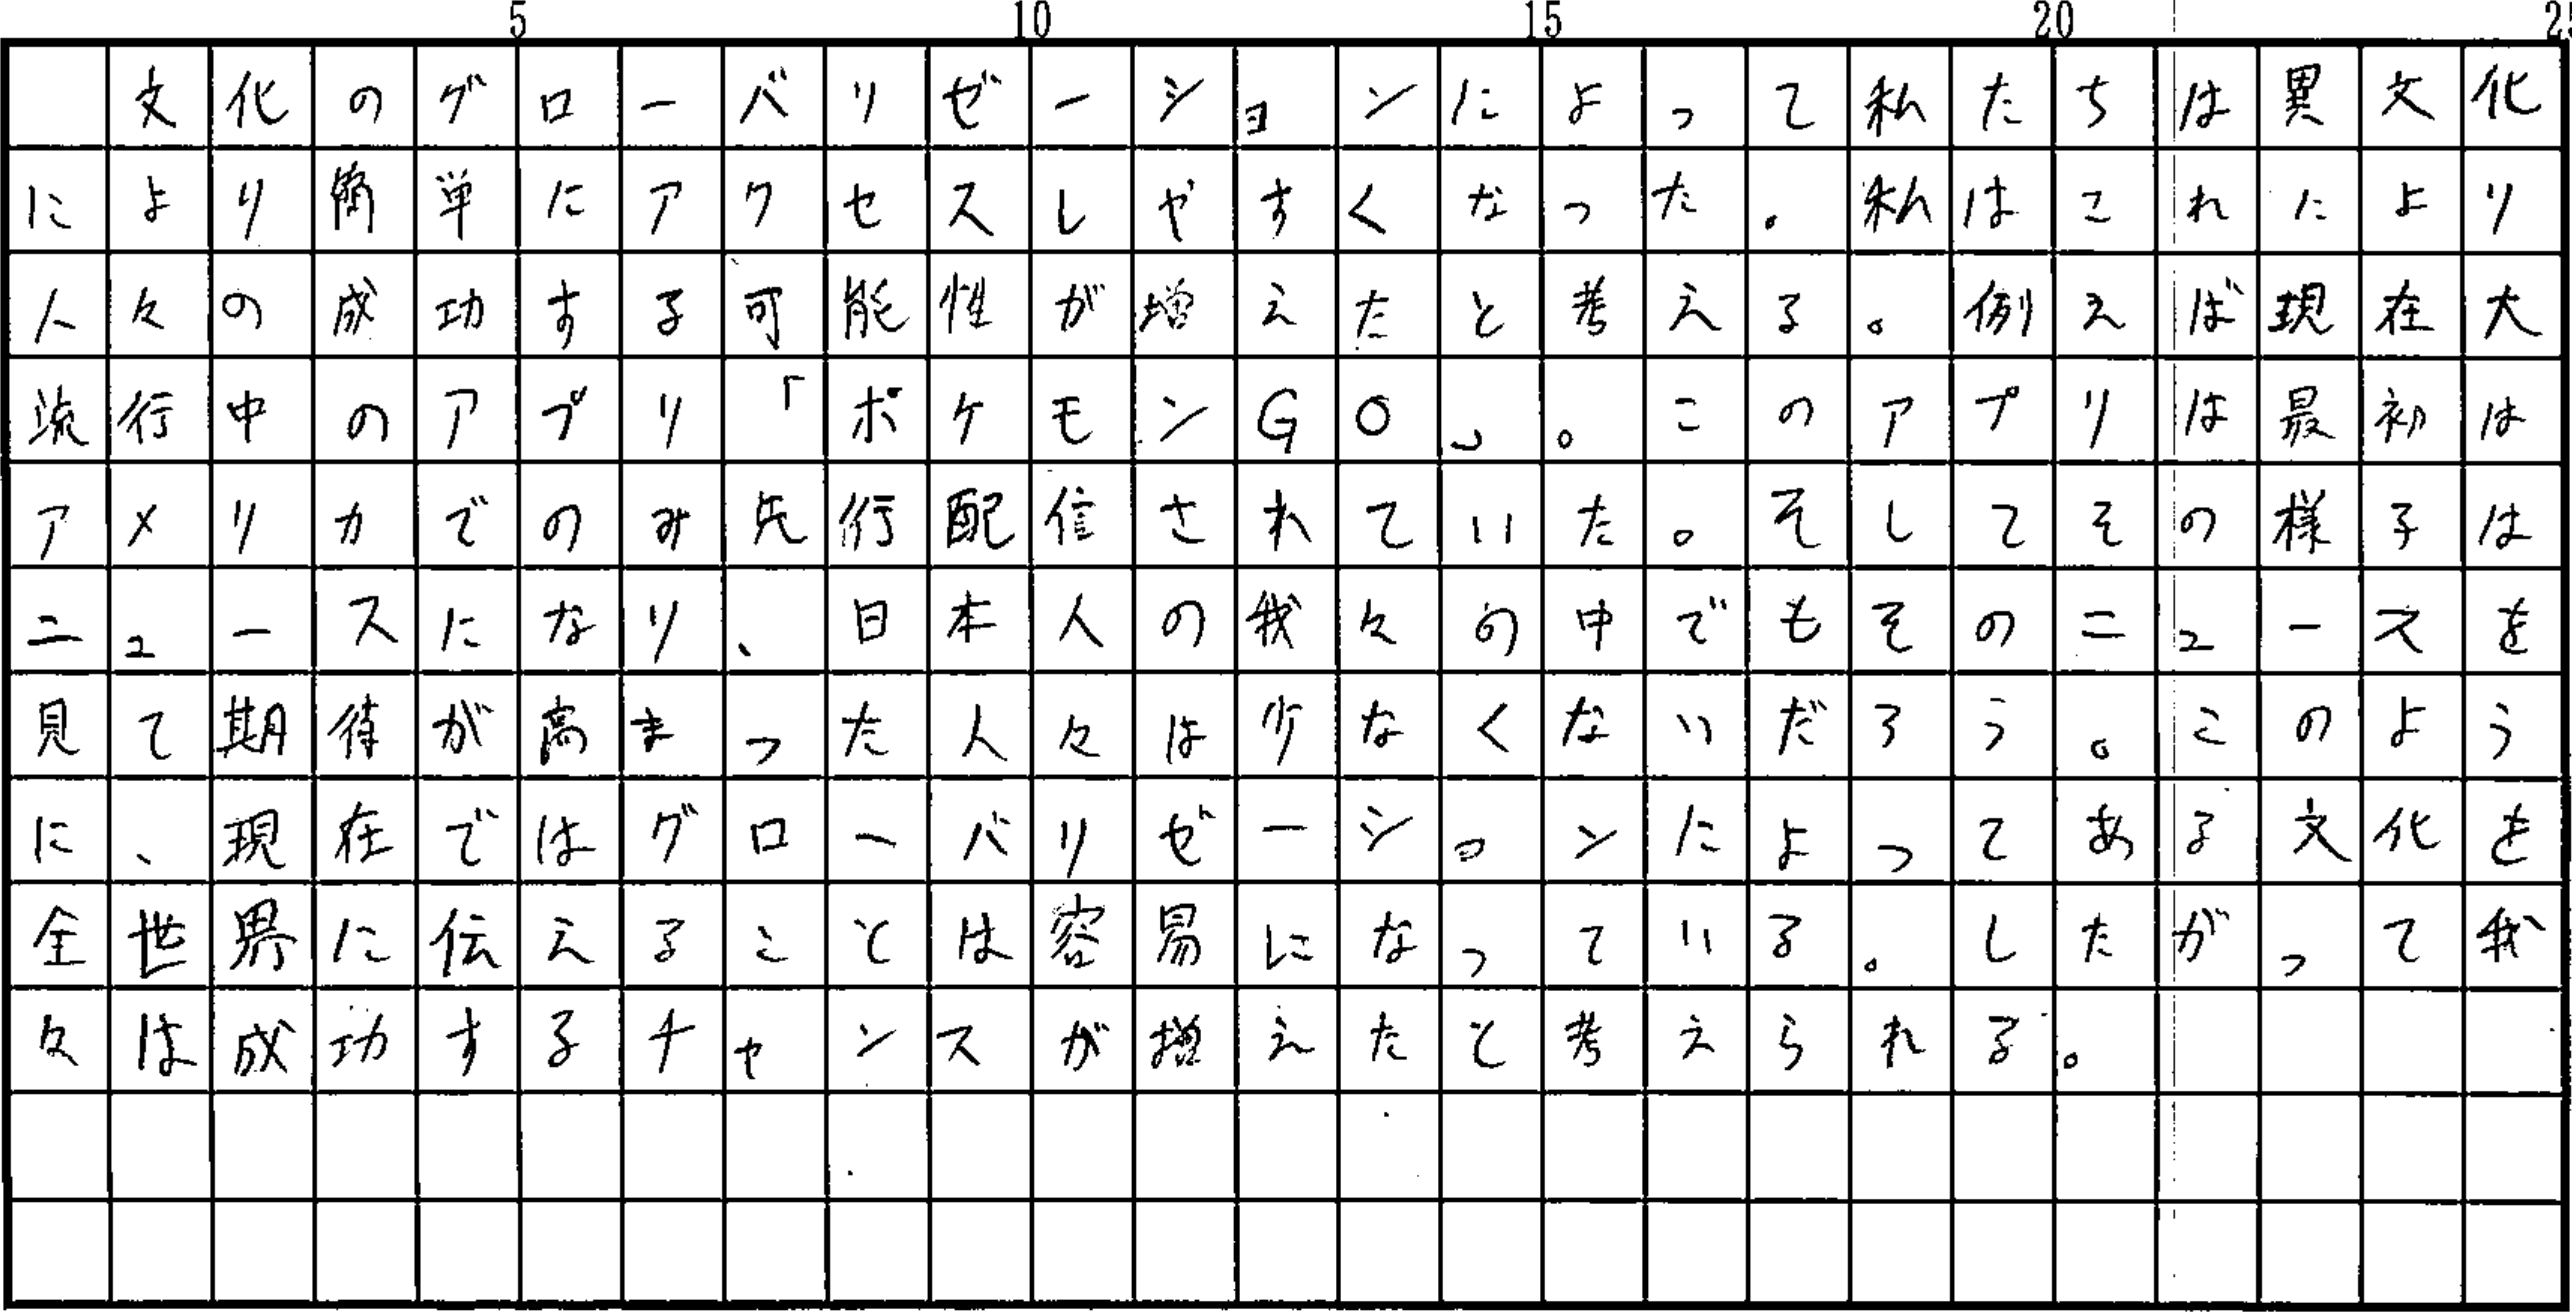　文化のグローバリゼーションによって私たちは異文化により簡単にアクセスしやすくなった。私はこれにより人々の成功する可能性が増えたと考える。例えば現在大流行中のアプリ「ポケモンＧＯ」。このアプリは最初はアメリカでのみ先行配信されていた。そしてその様子はニュースになり、日本人の我々の中でもそのニュースを見て期待が高まった人々は少なくないだろう。このように、現在ではグローバリゼーションによってある文化を全世界に伝えることは容易になっている。したがって我々は成功するチャンスが増えたと考えられる。
